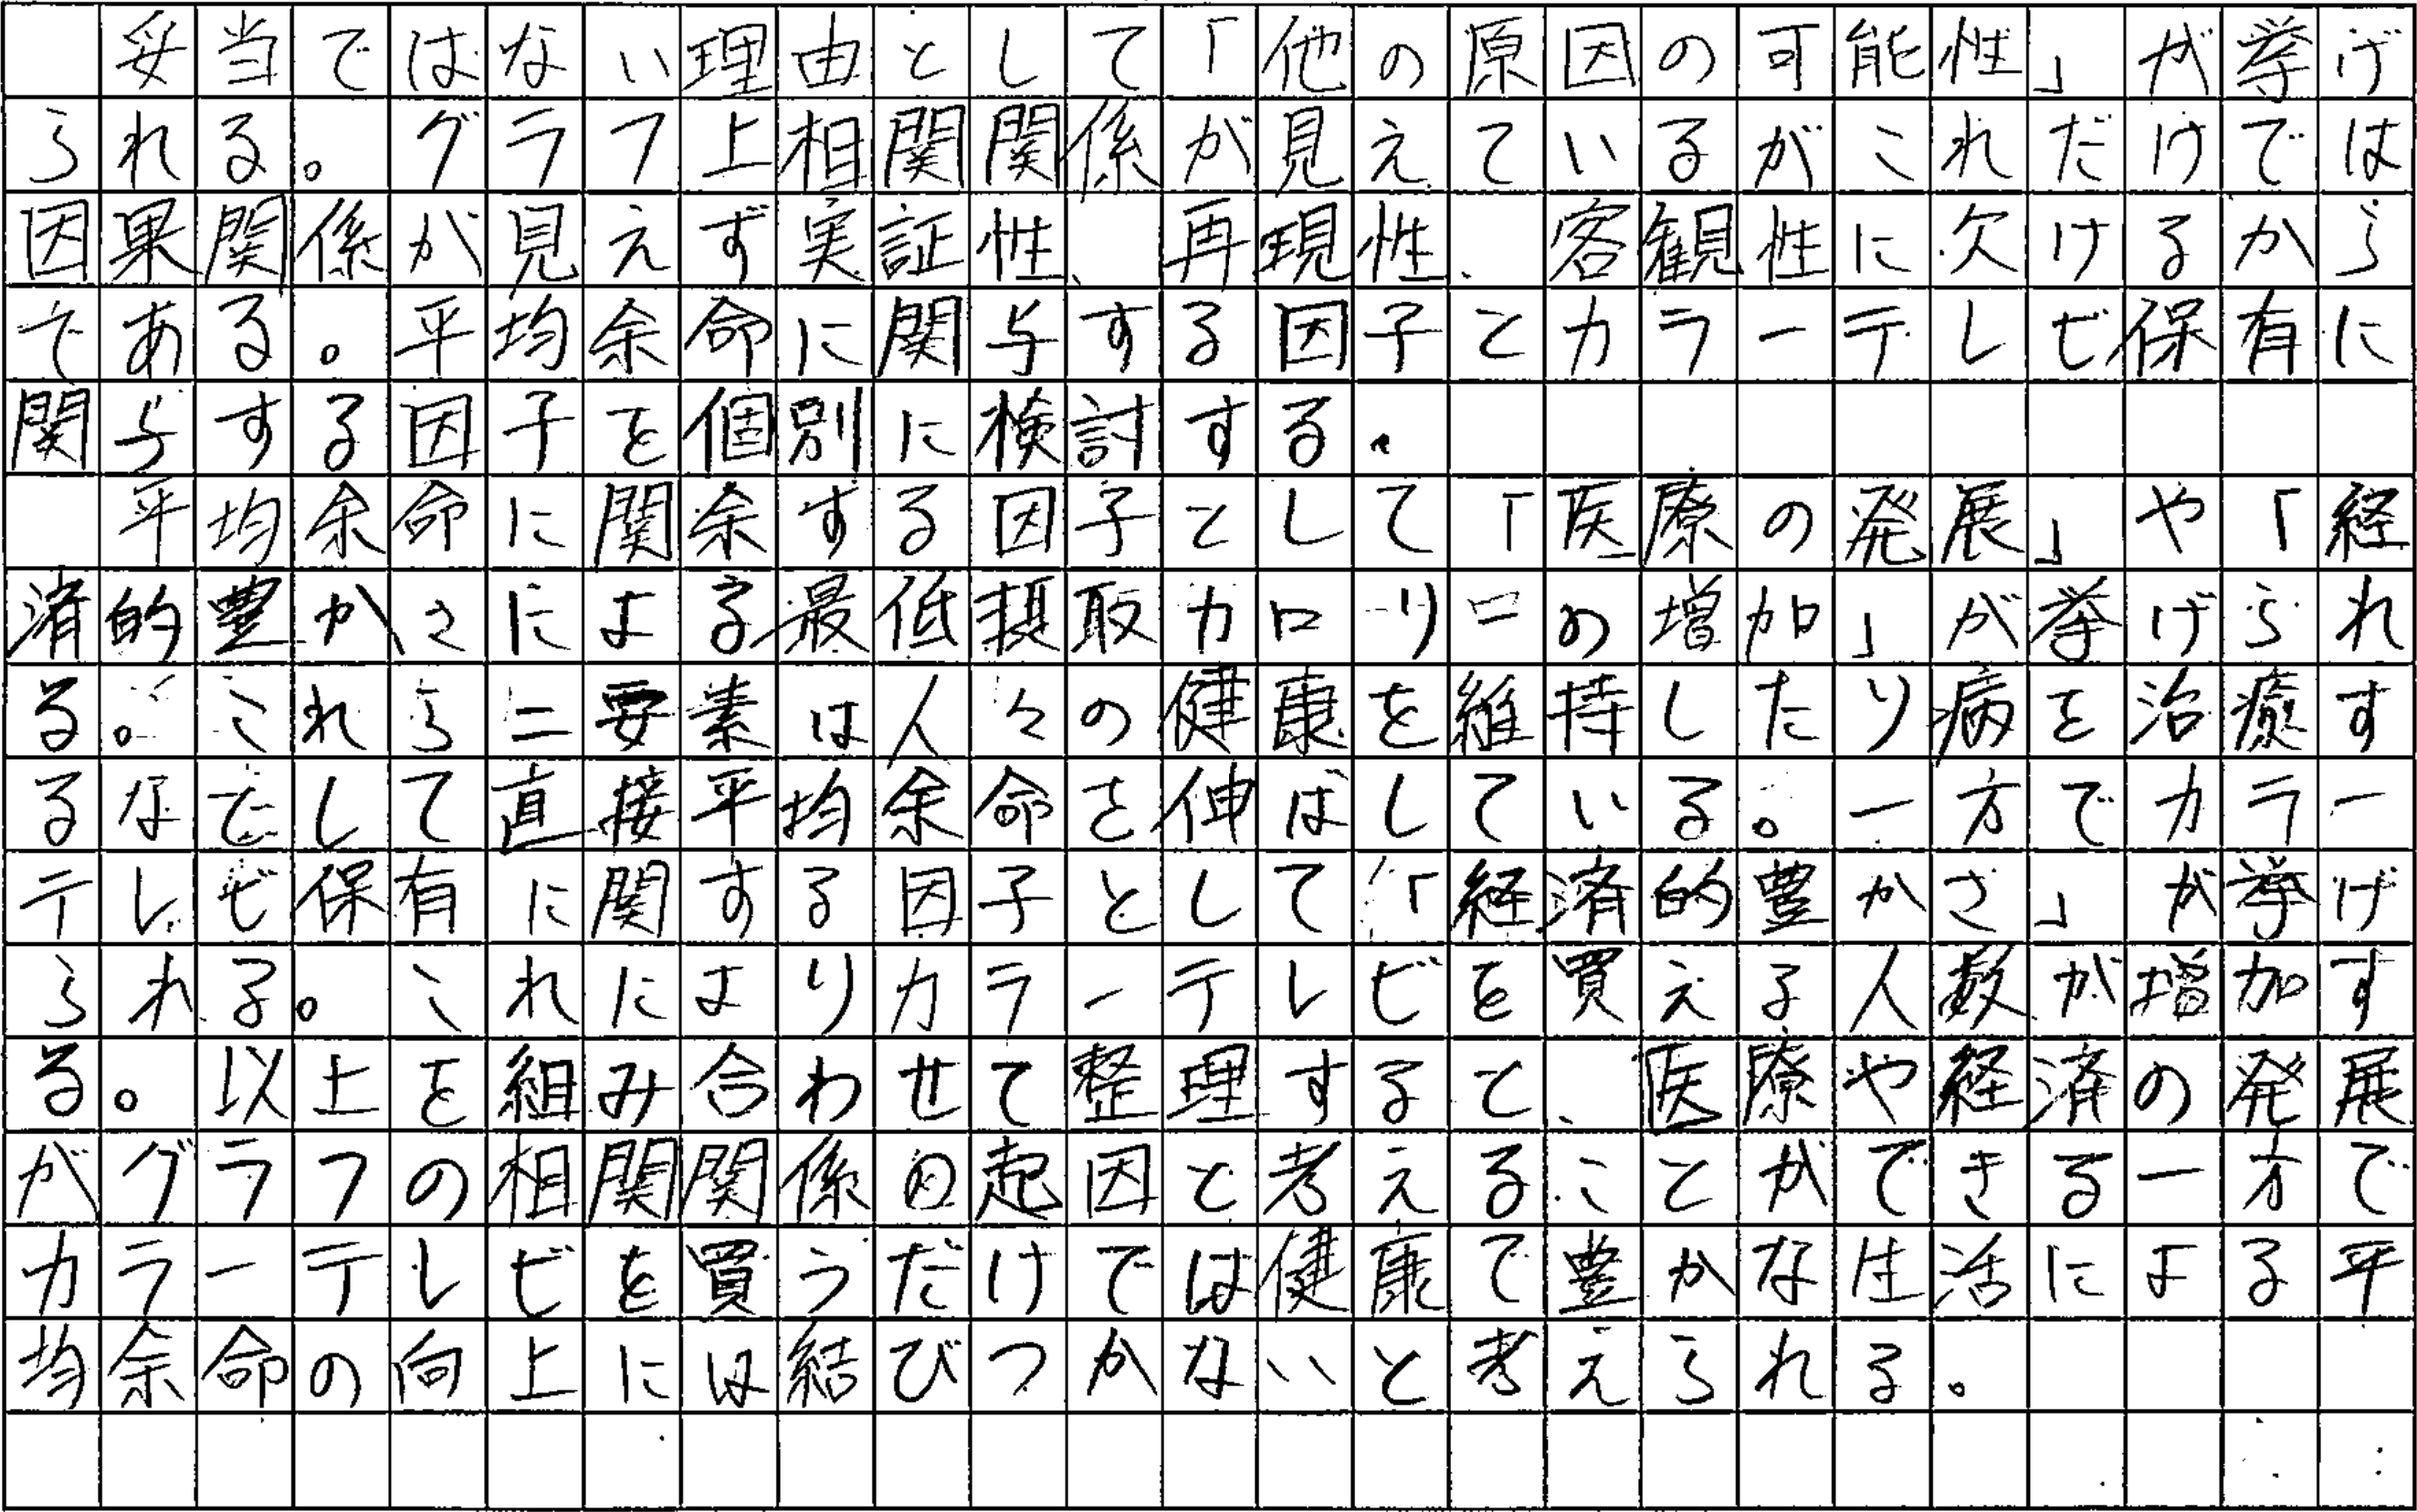　妥当ではない理由として「他の原因の可能性」が挙げられる。グラフ上相関関係が見えているがこれだけでは因果関係が見えず実証性、再現性、客観性に欠けるからである。平均余命に関与する因子とカラーテレビ保有に関与する因子を個別に検討する。
　平均余命に関余する因子として「医▁の発展」や「経済的豊かさによる最低摂取カロリーの増加」が挙げられる。これら二要素は人々の健康を維持したり病を治癒するなどして直接平均余命を伸ばしている。一方でカラーテレビ保有に関する因子として「経済的豊かさ」が挙げられる。これによりカラーテレビを買える人数が増加する。以上を組み合わせて整理すると、医▁や経済の発展がグラフの相関関係の起因と考えることができる一方でカラーテレビを買うだけでは健康で豊かな生活による平均余命の向上には結びつかないと考えられる。
